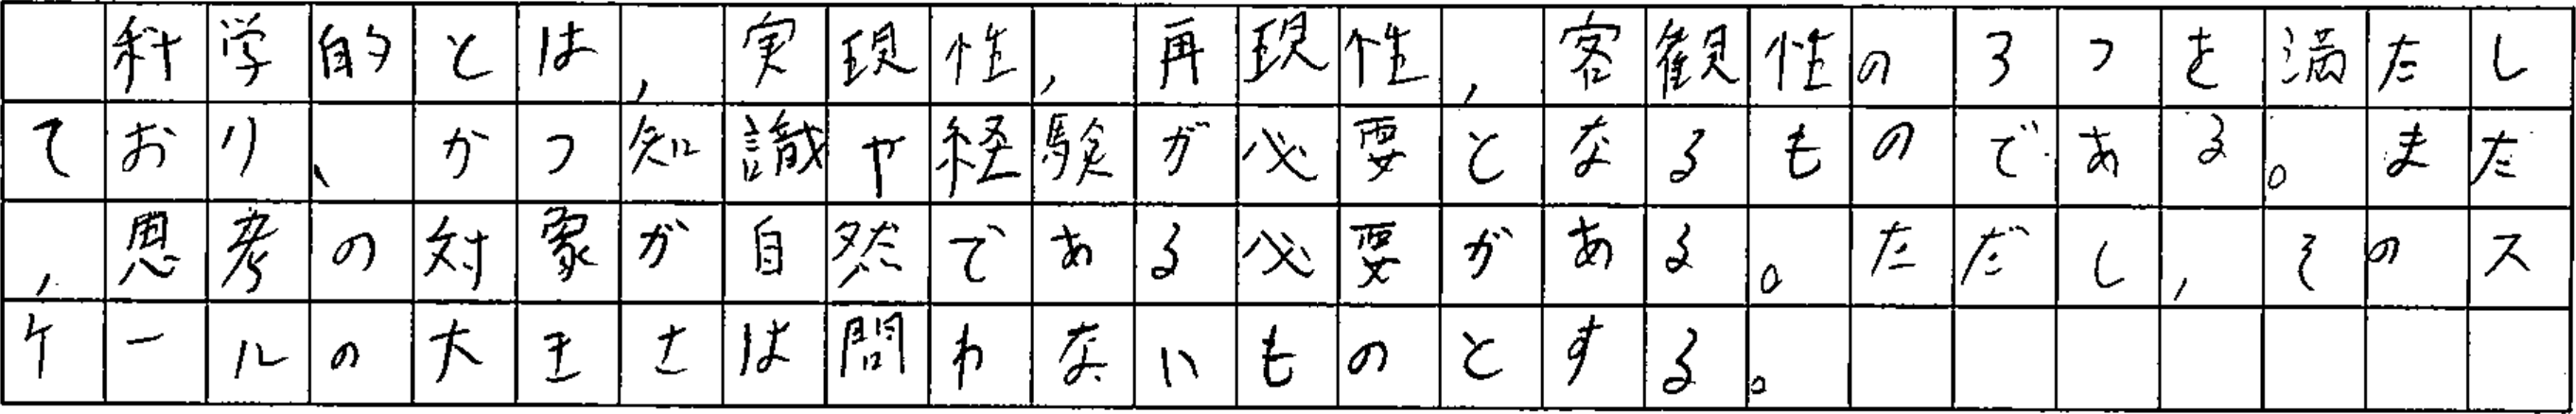　科学的とは、実現性、再現性、客観性の３つを満たしており、かつ知識や経験が必要となるものである。また、思考の対象が自然である必要がある。ただし、そのスケールの大きさは問わないものとする。
